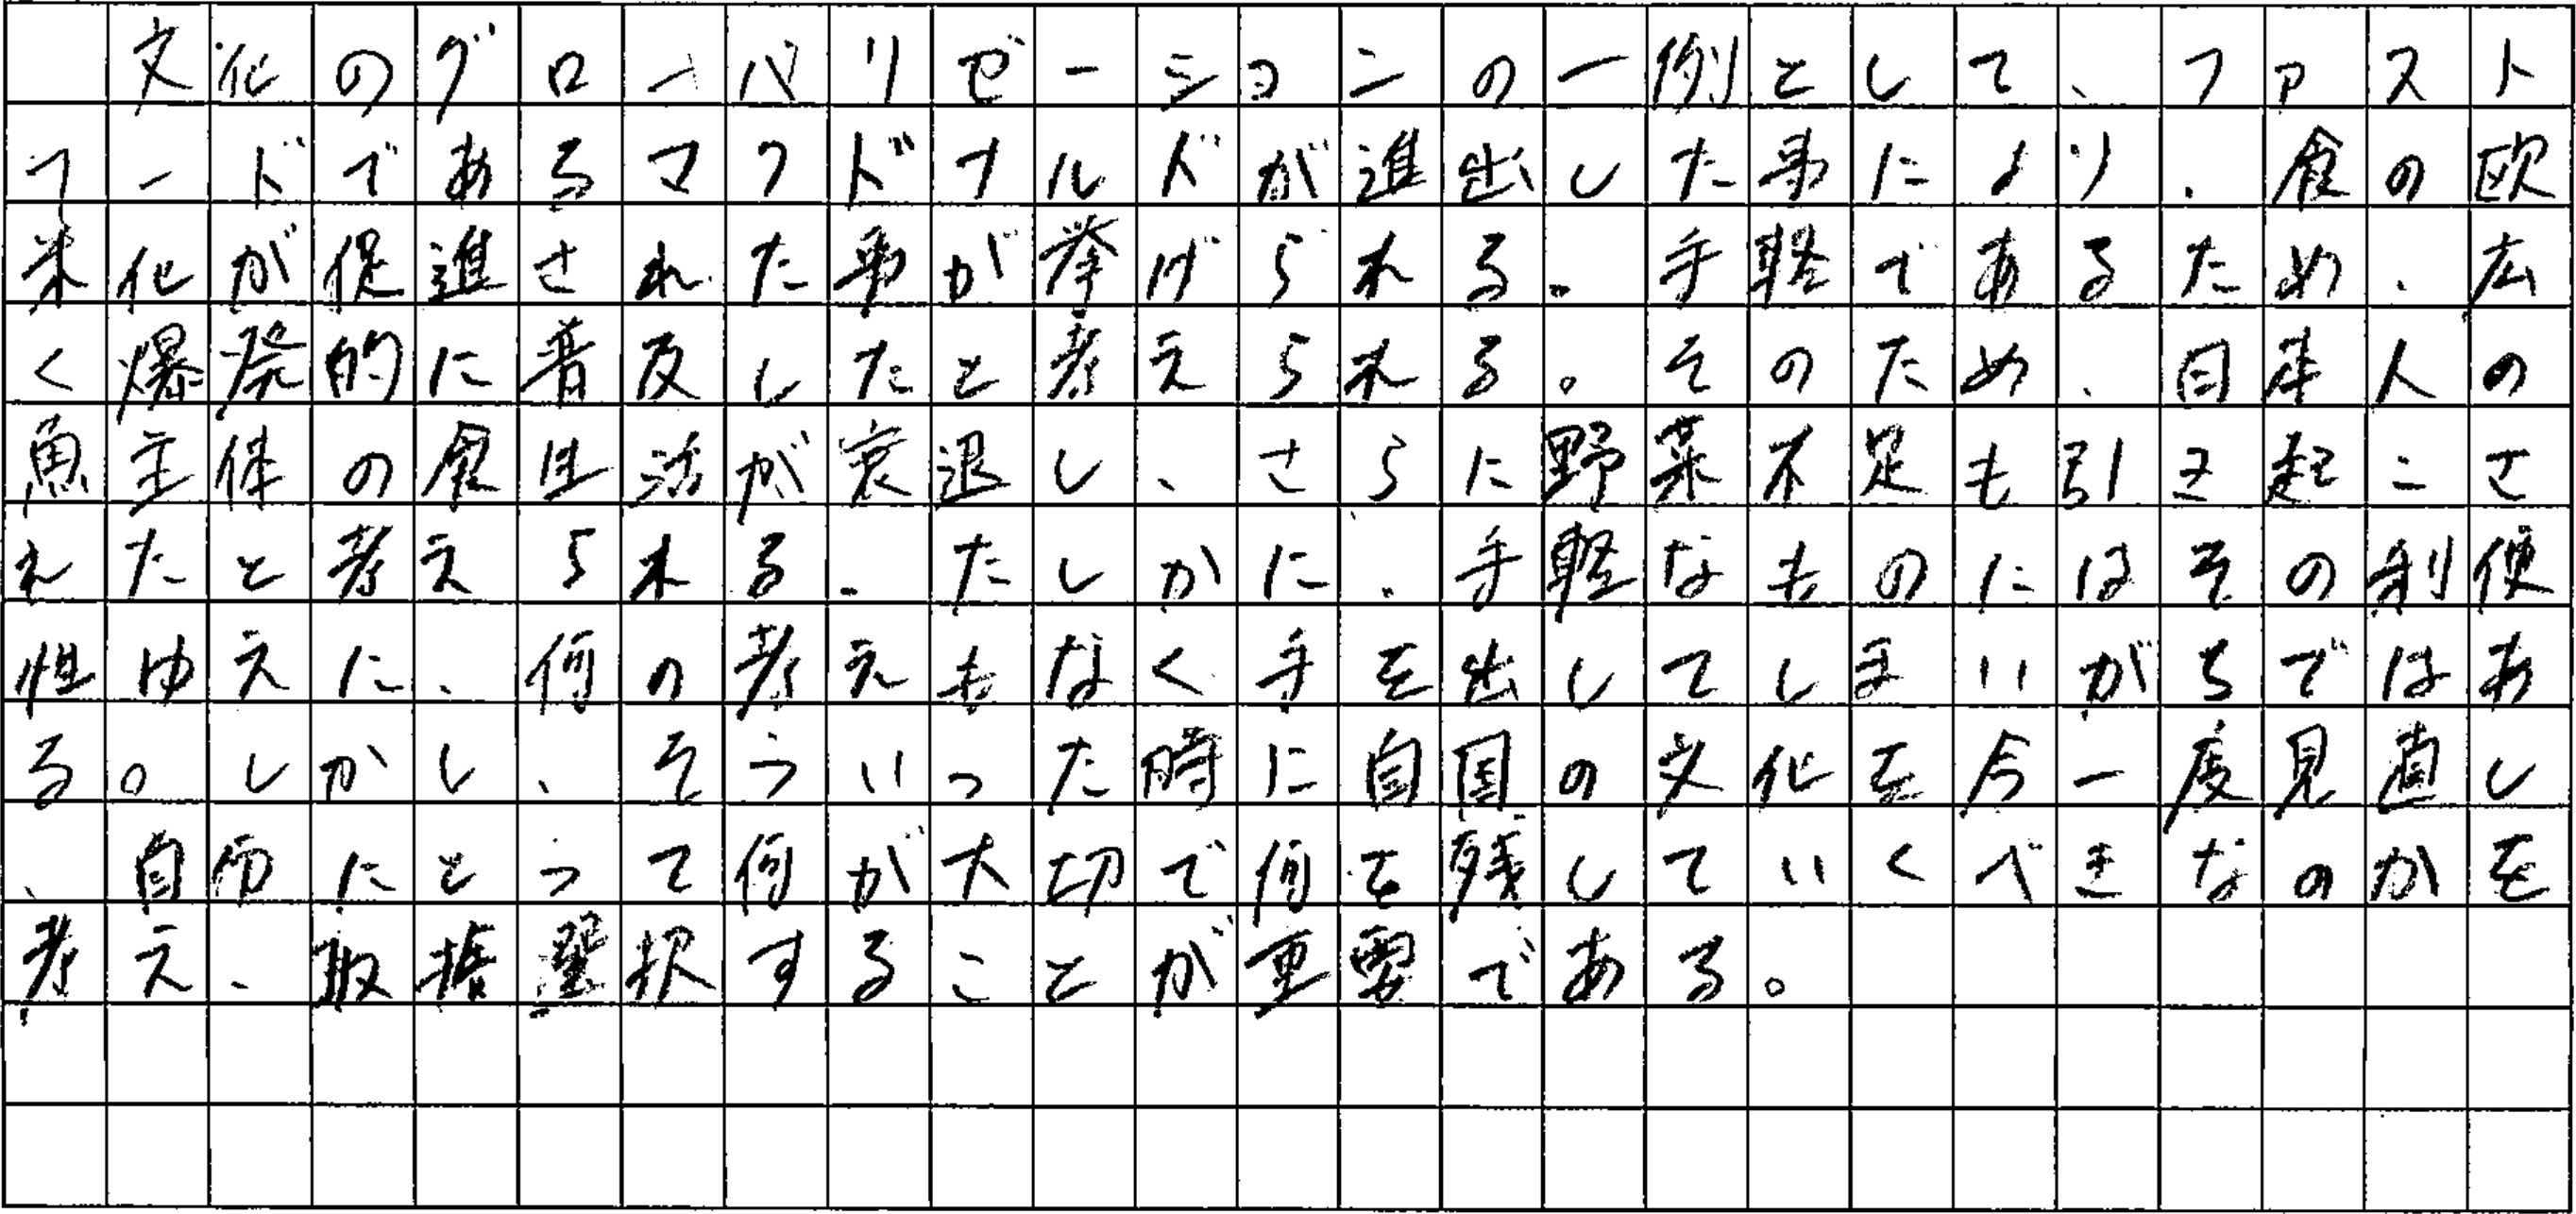　文化のグローバリゼーションの一例として、ファストフードであるマクドナルドが進出した事により、食の欧米化が促進された事が挙げられる。手軽であるため、広く爆発的に普及したと考えられる。そのため、日本人の魚主体の食生活が衰退し、さらに野菜不足も引き起こされたと考えられる。たしかに、手軽なものにはその利便性ゆえに、何の考えもなく手を出してしまいがちではある。しかし、そういった時に自国の文化を今一度見直し、自分にとって何が大切で何を残していくべきなのかを考え、取捨選択することが重要である。
